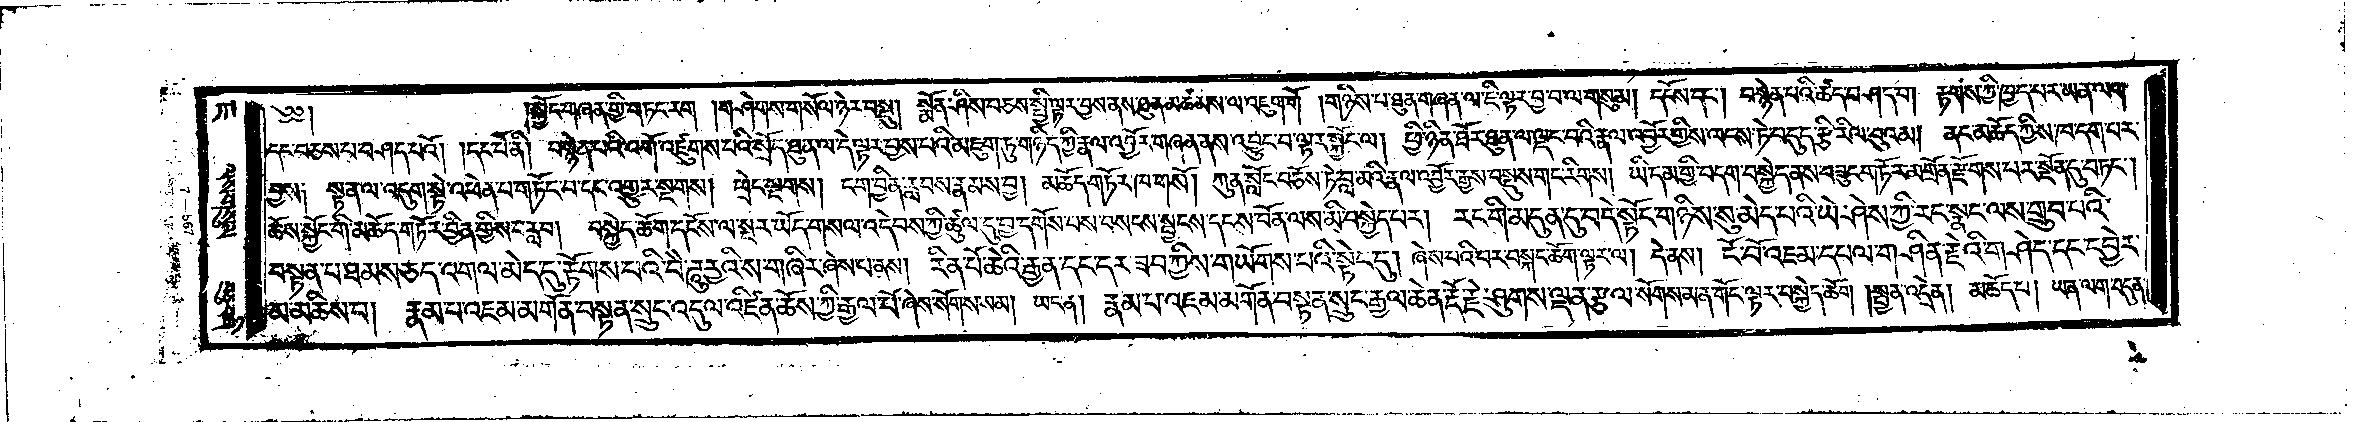༄༅། །སྐྱོང་གཞན་གྱི་གཏང་རག །གཤེགས་གསོལ་ཉེར་བསྡུ། སྨོན་ཤིས་བཅས་སྤྱི་ལྟར་བྱས་ནས་ཐུན་མཚམས་ལ་འཇུག་གོ །གཉིས་པ་ཐུན་གཞན་ལ་ཇི་ལྟར་བྱ་བ་ལ་གསུམ། དངོས་དང་། བསྙེན་པའི་ཚད་བཤད་པ། རྟགས་ཀྱི་ཁྱད་པར་ཡན་ལག་
དང་བཅས་པ་བཤད་པའོ། །དང་པོ་ནི། བསྙེན་པའི་འོག་འཛུགས་པའི་སྲོད་ཐུན་ལ་དེ་ལྟར་བྱས་པའི་མཇུག་ཏུ་གཉིད་ཀྱི་རྣལ་འབྱོར་གཞན་ནས་འབྱུང་བ་ལྟར་སྐྱོང་ལ། ཕྱི་ཉིན་ཐོར་ཐུན་ལ་ལྡང་བའི་རྣལ་འབྱོར་གྱིས་ལངས་ཏེ་བདུད་རྩི་རིལ་བུའམ། ནང་མཆོད་ཀྱིས་ཁ་དག་པར་
བྱས༑ སྟན་ལ་འདུག་སྟེ་འཕེན་པ་གཏོང་བ་དང་འགྱུར་སྔགས། ཕྲེང་སྔགས། ངག་བྱིན་རླབས་རྣམས་བྱ། མཆོད་གཏོར་ཁ་གསོ། ཀུན་སློང་བཅོས་ཏེ་བླ་མའི་རྣལ་འབྱོར་རྒྱས་བསྡུས་གང་རིགས། ཡི་དམ་གྱི་བདག་བསྐྱེད་ནས་བཟུང་གཏོར་མགྲོན་རྫོགས་པར་སྔོན་དུ་བཏང་།
ཆོས་སྐྱོང་གི་མཆོད་གཏོར་བྱིན་གྱིས་བརླབ། བསྐྱེད་ཆོག་དངོས་ལ་སྔར་ཡོད་གསལ་འདེབས་ཀྱི་ཚུལ་དུ་བྱ་དགོས་པས་བསངས་སྦྱངས་དང་ས་བོན་ལས་མི་བསྐྱེད་པར། རང་གི་མདུན་དུ་བདེ་སྟོང་གཉིས་སུ་མེད་པའི་ཡེ་ཤེས་ཀྱི་རང་སྣང་ལས་གྲུབ་པའི་
བསྟན་པ་ཐམས་ཅད་འགལ་མེད་དུ་རྟོགས་པའི་བཻདུརྱའི་ས་གཞིར་ཞེས་པ་ནས། རིན་པོ་ཆེའི་རྒྱན་དང་དར་ཟབ་ཀྱིས་གཡོགས་པའི་སྟེང་དུ། ཞེས་པའི་བར་བསྐང་ཆོག་ལྟར་ལ། དེ་ནས། ངོ་བོ་འཇམ་དཔལ་གཤིན་རྗེའི་གཤེད་དང་དབྱེར་
མ་མཆིས་བ། རྣམ་པ་འཇམ་མགོན་བསྟན་སྲུང་འདུལ་འཛིན་ཆོས་ཀྱི་རྒྱལ་པོ་ཞེས་སོགས་སམ། ཡང་ན། རྣམ་པ་འཇམ་མགོན་བསྟན་སྲུང་རྒྱལ་ཆེན་རྡོ་རྗེ་ཤུགས་ལྡན་རྩ་ལ་སོགས་མན་གོང་ལྟར་བསྐྱེད་ཆོག་སྨྱ་ན་འདྲེན། མཆོད་པ། ཡན་ལག་བདུན་